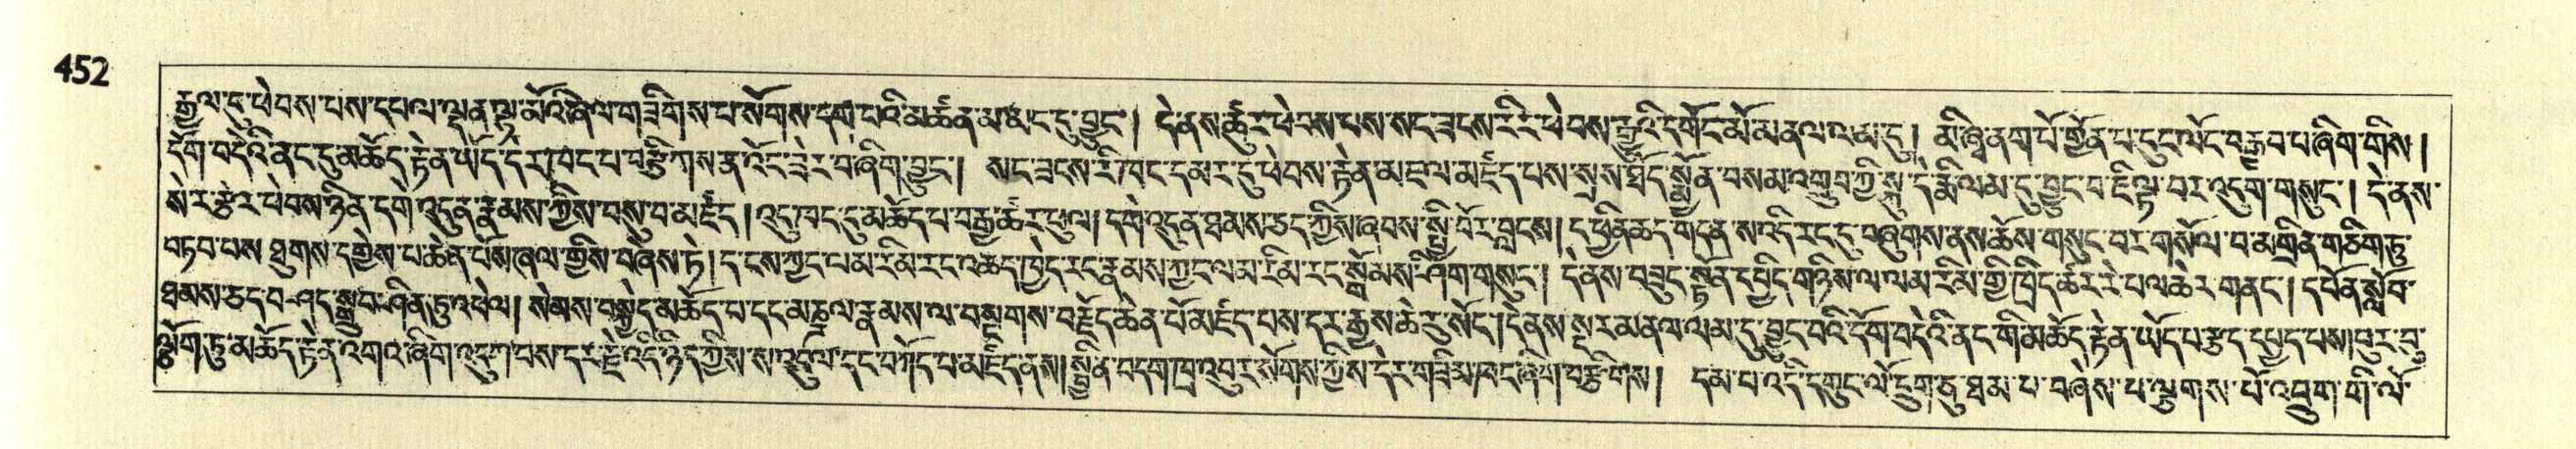རྒྱལ་དུ་ཕེབས་པས་དཔལ་ལྡན་ལྷ་མོའི་ཞལ་གཟིགས་པ་སོགས་དག་པའི་མཚན་མ་མང་དུ་བྱུང་། དེ་ནས་ཚུར་ཕེབས་པས་སང་ཟངས་རིར་ཕེབས་རྒྱུའི་དགོང་མོ་མནལ་ལམ་དུ། མི་ཞྭ་ནག་པོ་གྱོན་པ་དུང་ལོང་བརྒྱབ་པ་ཞིག་གིས།
དོག་བདེའི་ནང་དུ་མཆོད་རྟེན་ཡོད་དེར་ཁང་པ་བརྩིགས་ན་འོང་ཟེར་བ་ཞིག་བྱུང་། སང་ཟངས་རི་ཁང་དམར་དུ་ཕེབས་རྟེན་མཇལ་མཛད་པས་སྲས་ཐོད་སྨྱོན་བསམ་འགྲུབ་ཀྱི་སྐུ་དེ་རྨི་ལམ་དུ་བྱུང་བ་ཇི་ལྟ་བར་འདུག་གསུང་། དེ་ནས་
སེ་ར་རྩེར་ཕེབས་ཉིན་དགེ་འདུན་རྣམས་ཀྱིས་བསུ་བ་མཛད། འདུ་ཁང་དུ་མཆོད་པ་བརྒྱ་ཚར་ཕུལ། དགེ་འདུན་ཐམས་ཅད་ཀྱིས་ཞབས་སྤྱི་བོར་བླངས། ད་ཕྱིན་ཆད་གདན་ས་འདི་རང་དུ་བཞུགས་ནས་ཆོས་གསུང་བར་གསོལ་བ་མགྲིན་གཅིག་ཏུ་
བཏབ་པས་ཐུགས་དགྱེས་པ་ཆེན་པོས་ཞལ་གྱིས་བཞེས་ཏེ། ད་ངས་ཀྱང་ལམ་རིམ་རང་འཆད་ཁྱེད་རང་རྣམས་ཀྱང་ལམ་རིམ་རང་སྒོམས་ཤིག་གསུང་། དེ་ནས་བཟུང་སྟོན་དཔྱིད་གཉིས་ལ་ལམ་རིམ་གྱི་ཁྲིད་ཚར་རེ་པལ་ཆེར་གནང་། དཔོན་སློབ་
ཐམས་ཅད་བཤད་སྒྲུབ་ཤིན་ཏུ་འཕེལ། སེམས་བསྐྱེད་མཆོད་པ་དང་མཎྜལ་རྣམས་ལ་བསྔགས་བརྗོད་ཆེན་པོ་མཛད་པས་དར་རྒྱ་ཆེ་རུ་སོང་། དེ་ནས་སྔར་མནལ་ལམ་དུ་བྱུང་བའི་དོག་བདེའི་ནང་གི་མཆོད་རྟེན་ཡོད་པ་རྩད་དཔྱད་པས། བུར་བུ་
ལྕོག་ཏུ་མཆོད་རྟེན་འགའ་ཞིག་འདུག་པས་དར་རྗེ་འདི་ཉིད་ཀྱིས་ས་འབུལ་དང་བཀོད་པ་མཛད་ནས། སྤྱིན་བདག་ཁྲ་འབུར་སོགས་ཀྱིས་དེར་གཟིམ་ཁང་ཞིག་བརྩིགས། དམ་པ་འདི་དགུང་ལོ་དྲུག་ཅུ་ཐམ་པ་བཞེས་པ་ལྕགས་པོ་འབྲུག་གི་ལོ་